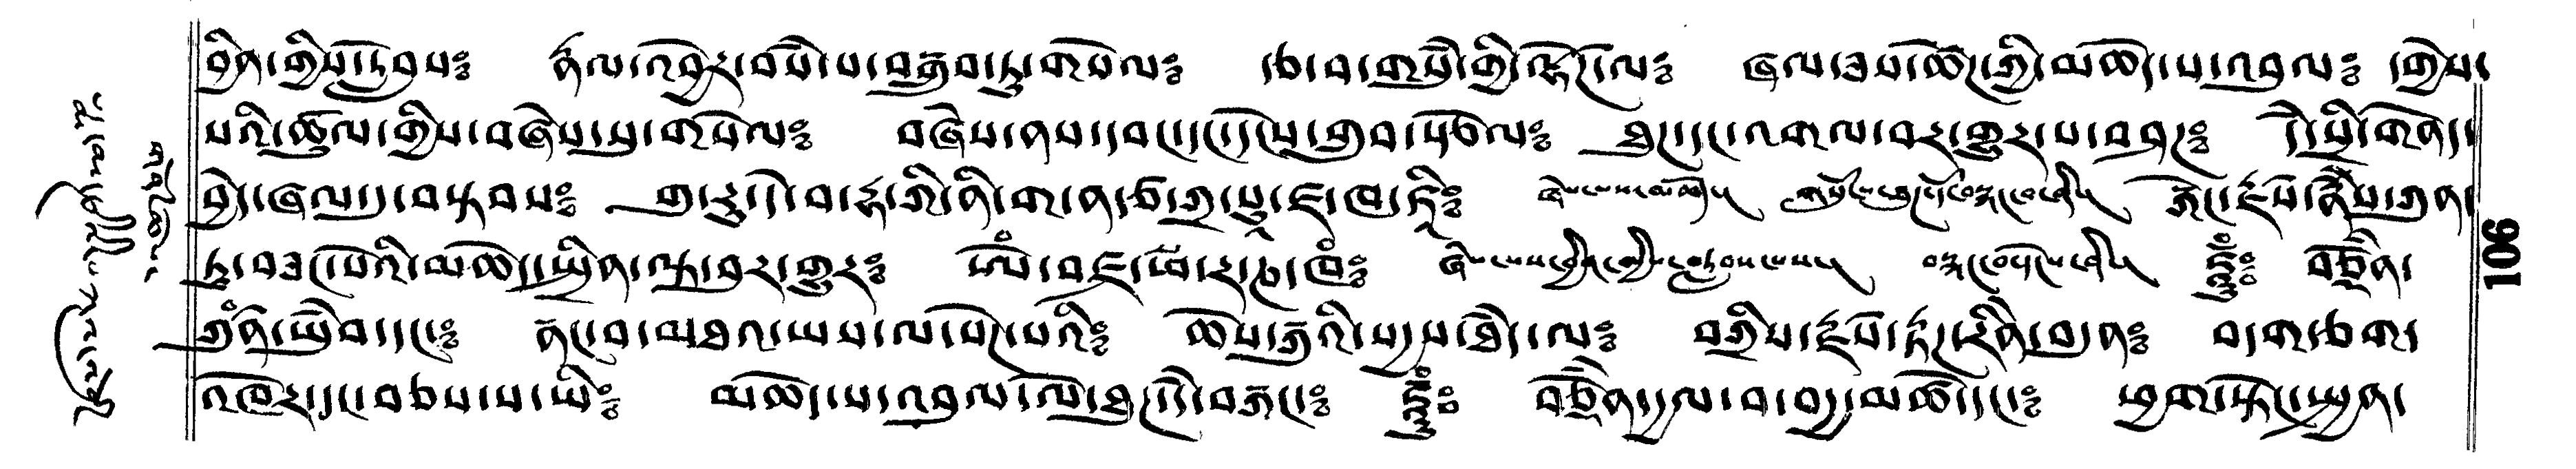བྱིན་གྱིས་རློབས༔ རྣལ་འབྱོར་བསམ་པ་བསྒྲུབ་ཏུ་གསོལ༔ རྩ་བ་གསུམ་གྱི་ལྷ་ཚོགས་ལ༔ ཞལ་ཟས་ཚོགས་ཀྱི་མཆོད་པ་འབུལ༔ དགྱེས་
པའི་ཚུལ་གྱིས་བཞེས་སུ་གསོལ༔ བཞེས་ནས་དབང་དང་དངོས་གྲུབ་སྩོལ༔ ཐུགས་དང་འགལ་བར་གྱུར་པ་བཤགས༔ དམ་སྲི་གནོད་
བྱེད་ཞལ་དུ་བསྟབས༔ གུ་རུ་དཱེ་བ་དྷཱ་ཀི་ནི་ག་ན་ཙཀྲ་པཱུ་ཛ་ཁ་ཧཱི༔ ཞེས་པས་མཆོད། གསུམ་པ་ཐུགས་དམ་བསྐང་བ་ནི། སྐང་རྫས་རྣམས་ཀུན་
ཏུ་བཟང་པོའི་མཆོད་སྤྲིན་ལྟ་བུར་གྱུར༔ ཨོཾ་བཛྲ་སྥ་ར་ཎ་ཁཾ༔ ཞེས་པས་བྱིན་གྱིས་བརླབས་ནས། བསྐང་བ་དངོས་ནི། ཧཱུྃ༔ བཅོམ་ལྡན་
ཀུན་བཟང་ཡབ་ཡུམ་དང༔ སྣང་བ་མཐའ་ཡས་ལ་སོགས་པའི༔ ཆོས་སྐུའི་སངས་རྒྱས་ཐམས་ཅད་ལ༔ བཀྲ་ཤིས་རྫས་རྟགས་རིན་ཆེན་བདུན༔ བདག་ཅག་
འཁོར་དང་བཅས་པ་ཡི༔ མཆོད་པ་འབུལ་ལོ་ཐུགས་དམ་བསྐང༔ ཧཱུྃ༔ བཅོམ་ལྡན་རྒྱལ་བ་བརྒྱ་མཚོ་དང༔ ཕྱག་སྟོང་སྤྱན་